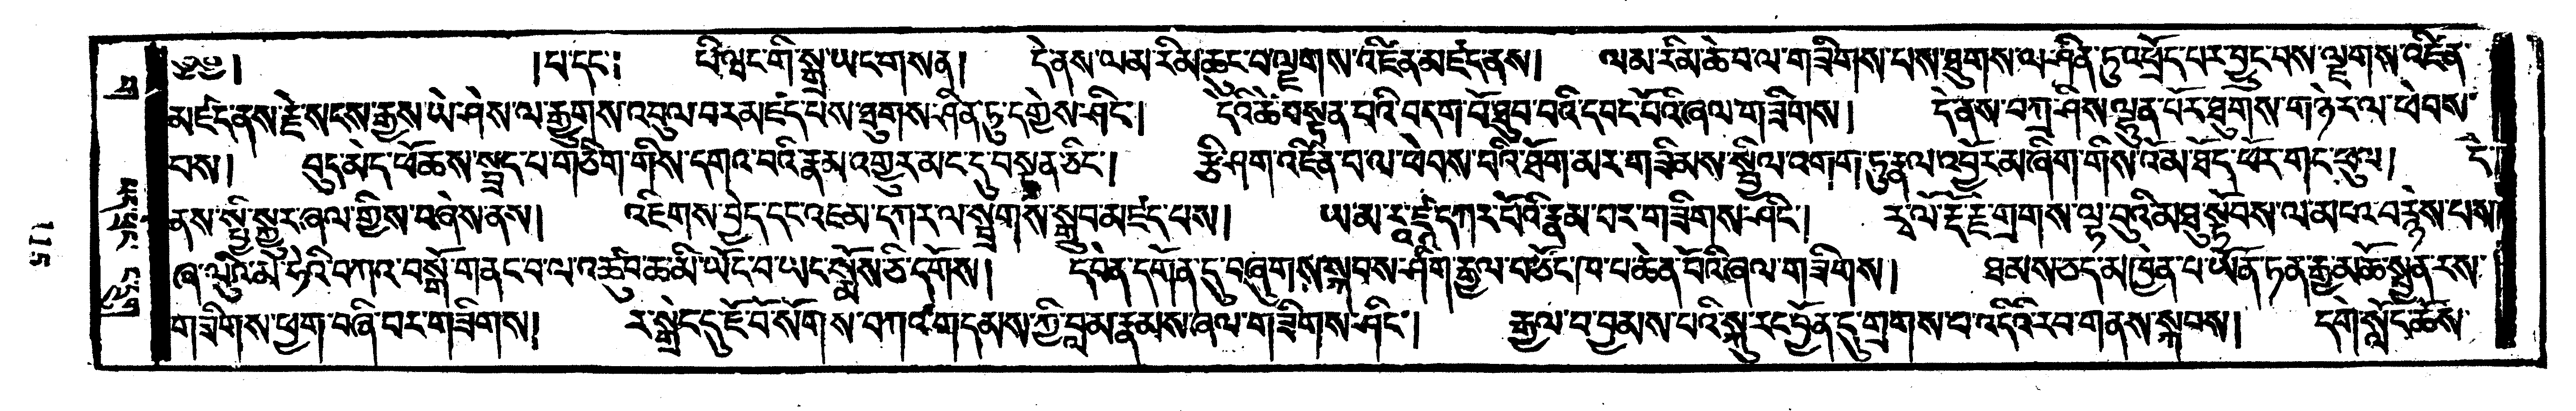༄༅། །པ་དང་། པི་ཝང་གི་སྒྲ་ཡང་གསན། དེ་ནས་ལམ་རིམ་ཆུང་བ་ལྗགས་འཛིན་མཛད་ནས། ལམ་རིམ་ཆེ་བ་ལ་གཟིགས་པས་ཐུགས་ལ་ཤིན་ཏུ་འཕྲོད་པར་བྱུང་བས་ལྗགས་འཛིན་
མཛད་ནས་རྗེ་སངས་རྒྱས་ཡེ་ཤེས་ལ་རྒྱུགས་འབུལ་བར་མཛད་པས་ཐུགས་ཤིན་ཏུ་དགྱེས་ཤིང་། དེའི་ཚེ་བསྟན་པའི་བདག་པོ་ཐུབ་པའི་དབང་པོའི་ཞལ་གཟིགས། དེ་ནས་བཀྲ་ཤིས་ལྷུན་པོར་ཐུགས་གཉེར་ལ་ཕེབས་
པས། བུད་མེད་ཕོ་ཆས་སྤྲད་པ་གཅིག་གིས་དགའ་བའི་རྣམ་འགྱུར་མང་དུ་བསྟན་ཅིང་། རྩི་ཤག་འཛིན་པ་ལ་ཕེབས་པའི་ཐོག་མར་གཟིམས་སྤྱིལ་འགག་ཏུ་རྣལ་འབྱོར་མ་ཞིག་གིས་འོ་མ་ཐོད་ཕོར་གང་ཕུལ། དེ་
ནས་སྤྱི་སྐྱུར་ཞལ་གྱིས་བཞེས་ནས། འཇིགས་བྱེད་དང་འཇམ་དཀར་ལ་སྦྲགས་སྒྲུབ་མཛད་པས། ཡ་མ་རཱ་ཛའ་དཀར་པོའི་རྣམ་པར་གཟིགས་ཤིང་། རྭ་ལོ་རྡོ་རྗེ་གྲགས་ལྟ་བུའི་མཐུ་སྟོབས་ལ་མངའ་བརྙེས་པས་
ཞ་ལུའི་མ་ཧེའི་བཀའ་བསྒོ་གནང་བ་ལ་འཚུབ་ཆ་མི་ཡོང་བ་ཡང་སྨོས་ཅི་དགོས། དབེན་དགོན་དུ་བཞུགས་སྐབས་ཤིག་རྒྱལ་བ་ཙོང་ཁ་པ་ཆེན་པོའི་ཞལ་གཟིགས། ཐམས་ཅད་མཁྱེན་པ་ཡོན་ཏན་རྒྱ་མཚོ་སྤྱན་རས་
གཟིགས་ཕྱག་བཞི་པར་གཟིགས། ར་སྒྲེང་དུ་ཇོ་བོ་སོགས་བཀའ་གདམས་ཀྱི་བླ་མ་རྣམས་ཞལ་གཟིགས་ཤིང་། རྒྱལ་བ་བྱམས་པའི་སྐུ་རང་བྱོན་དུ་གྲགས་པ་འདིའི་རབ་གནས་སྐབས། དགེ་སློང་ཆོས་